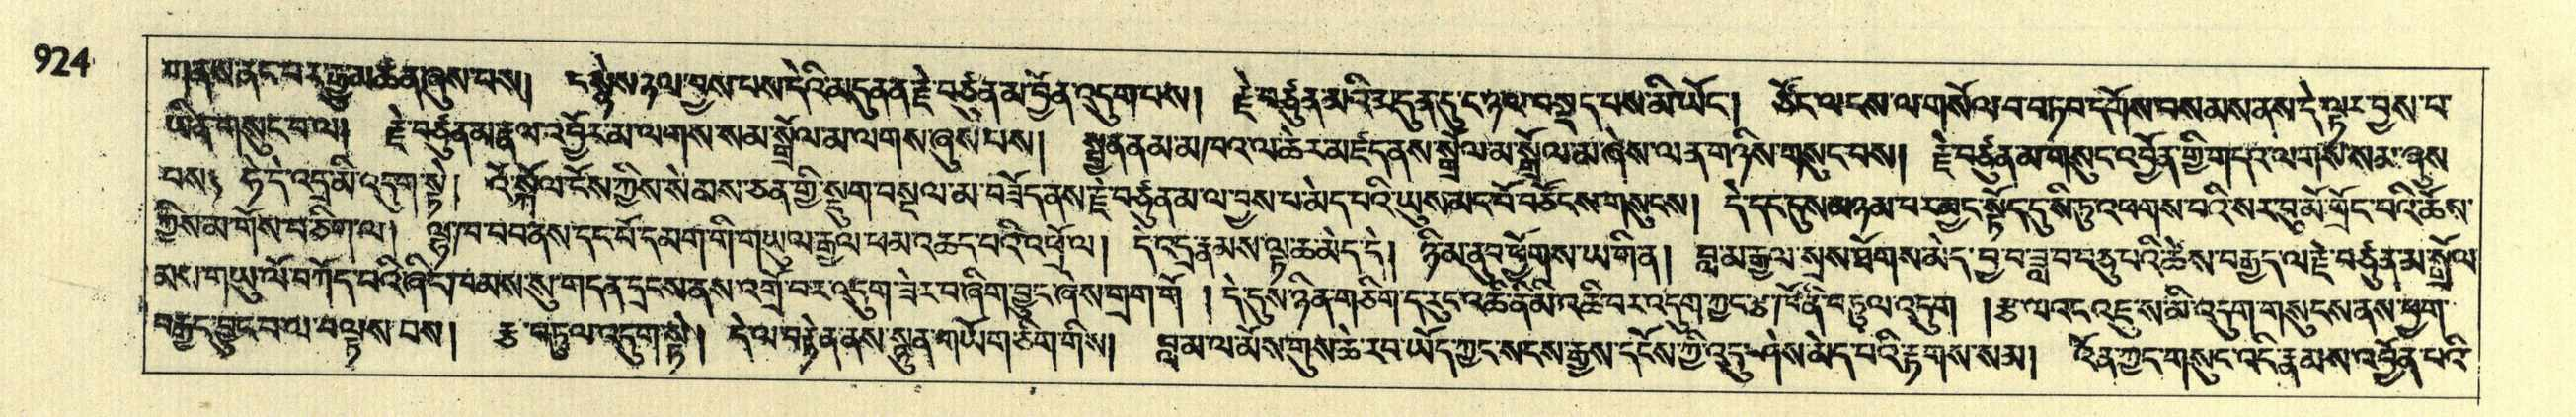གནས་ནང་བར་རྒྱུ་མཚན་ཞུས་པས། ང་སྙེས་ཉལ་བྱས་པས་དེའི་མདུན་ན་རྗེ་བཙུན་མ་བྱོན་འདུག་པས། རྗེ་བཙུན་མའི་མདུན་དུ་ང་ཉལ་བསྡད་པས་མི་ཡོང་། ཙོང་ལངས་ལ་གསོལ་བ་བཏབ་དགོས་བསམས་ནས་དེ་ལྟར་བྱས་པ་
ཡིན་གསུང་བ་ལ། རྗེ་བཙུན་མ་རྣལ་འབྱོར་མ་ལགས་སམ་སྒྲོལ་མ་ལགས་ཞུས་པས། སྤྱན་ནམ་མཁའ་ལ་ཆེར་མཛད་ནས་སྒྲོལ་མ་སྒྲོལ་མ་ཞེས་ལན་གཉིས་གསུང་བས། རྗེ་བཙུན་མ་གསུང་འབྱོན་གྱི་གདའ་ལགས་སམ་ཞུས་
པས༑ ཧེ་དེ་འདྲ་མི་འདུག་སྟེ། འོ་སྐོལ་ངོས་ཀྱིས་སེམས་ཅན་གྱི་སྡུག་བསྔལ་མ་བཟོད་ནས་རྗེ་བཙུན་མ་ལ་བྱས་པ་མེད་པའི་ཡུས་མང་བོ་བཙོངས་གསུངས། དེ་དང་དུས་མཉམ་པར་མྱང་སྟོད་དུ་སི་ཏུ་འཕགས་པའི་སར་བུ་མོ་བྲོང་བའི་ཆོས་
ཀྱིས་མ་གོས་བ་ཅིག་ལ། ལྷ་ཁ་བབ་ནས་དང་པོ་དམག་གི་གཡུལ་རྒྱལ་ཕམ་འཆད་པའི་འཕྲོ་ལ། དེ་འདྲ་རྣམས་ལྟ་ཆ་མེད་དེ། ཉི་མ་ནུབ་ཕྱོགས་ཡ་གི་ན། བླ་མ་རྒྱལ་སྲས་ཐོགས་མེད་བྱ་བ་ཟླ་བ་བཅུ་པའི་ཚེས་བརྒྱད་ལ་རྗེ་བཙུན་མ་སྒྲོལ་
མས་གཡུ་ལོ་བཀོད་པའི་ཞིང་ཁམས་སུ་གདན་དྲངས་ནས་འགྲོ་བར་འདུག་ཟེར་བ་ཞིག་བྱུང་ཞེས་གྲག་གོ །དེ་དུས་ཉིན་གཅིག་ད་རུང་འཆི་ནི་མི་འཆི་བར་འདུག་ཀྱང་རྩ་ཁོ་ནི་བཏུལ་འདུག །རྩ་ལའང་འཇུ་ས་མི་འདུག་གསུངས་ནས་ཕྱག་
བརྒྱང་བྱུང་བ་ལ་བལྟས་བས། རྩ་བཏུལ་འདུག་སྟེ། དེ་ལ་བརྟེན་ནས་སྙུན་གཡོག་ཅིག་གིས། བླ་མ་ལ་མོས་གུས་ཆེ་རབ་ཡོད་ཀྱང་སངས་རྒྱས་དངོས་ཀྱི་འདུ་ཤེས་མེད་པའི་རྟགས་སམ། འོན་ཀྱང་གསུང་འདི་རྣམས་འབྱོན་པའི་